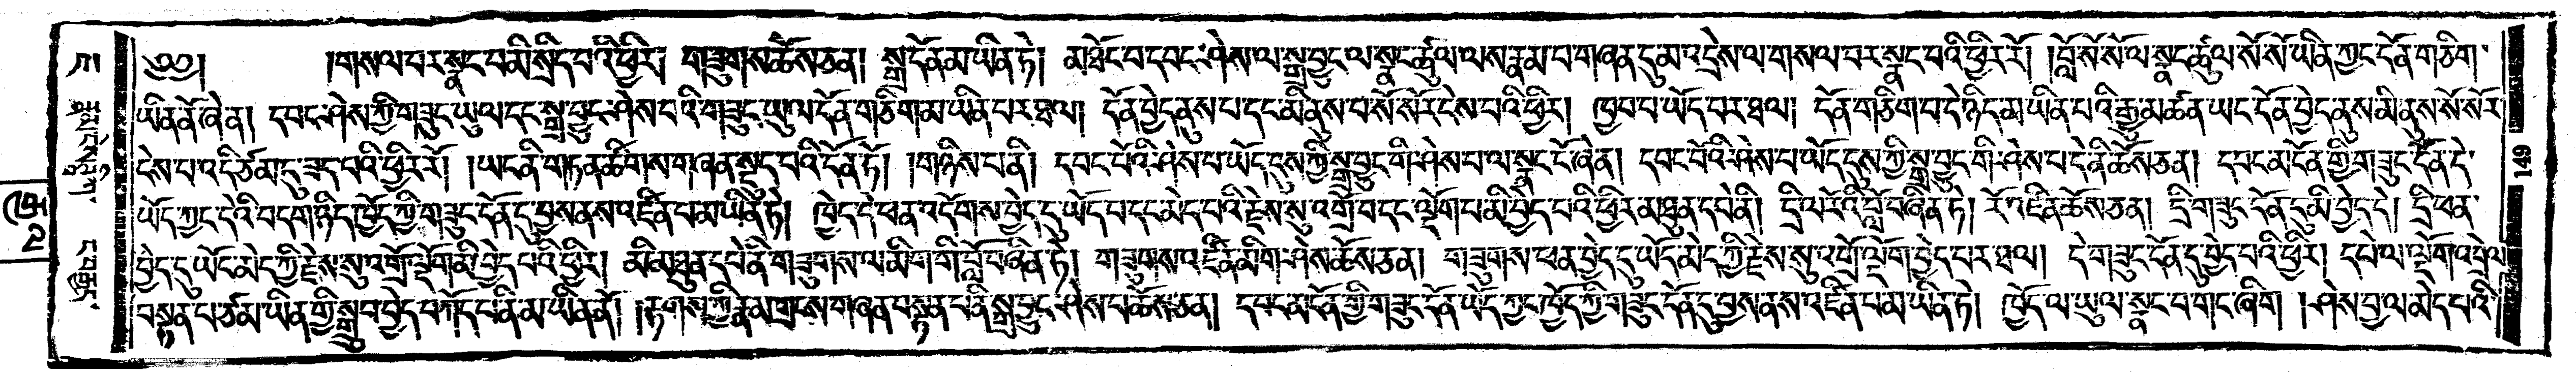༄༅། །གསལ་བར་སྣང་བ་མི་སྲིད་པའི་ཕྱིར། གཟུགས་ཆོས་ཅན། སྒྲ་དོན་མ་ཡིན་ཏེ། མཐོང་བ་དབང་ཤེས་ལ་སྒྲ་བྱུང་ལ་སྣང་ཚུལ་ལས་རྣམ་པ་གཞན་དུ་མ་འདྲེས་ལ་གསལ་བར་སྣང་བའི་ཕྱིར་རོ། །བློ་སོ་སོ་ལ་སྣང་ཚུལ་སོ་སོ་ཡིན་ཀྱང་དོན་གཅིག་
ཡིན་ནོ་ཞེ་ན། དབང་ཤེས་ཀྱི་གཟུང་ཡུལ་དང་སྒྲ་བྱུང་ཤེས་པའི་གཟུང་ཡུལ་དོན་གཅིག་མ་ཡིན་པར་ཐལ། དོན་བྱེད་ནུས་པ་དང་མི་ནུས་པ་སོ་སོར་ངེས་པའི་ཕྱིར། ཁྱབ་པ་ཡོད་པར་ཐལ། དོན་གཅིག་པ་དེ་ཉིད་མ་ཡིན་པའི་རྒྱུ་མཚན་ཡང་དོན་བྱེད་ནུས་མི་ནུས་སོ་སོར་
ངེས་པ་འདི་ཙམ་དུ་ཟད་པའི་ཕྱིར་རོ། །ཡང་ནི་གཏན་ཚིགས་གཞན་སྡུད་པའི་དོན་ཏོ། །གཉིས་པ་ནི། དབང་པོའི་ཤེས་པ་ཡོད་དུས་ཀྱི་སྒྲ་བྱུང་གི་ཤེས་པ་ལ་སྣང་ངོ་ཞེ་ན། དབང་པོའི་ཤེས་པ་ཡོད་དུས་ཀྱི་སྒྲ་བྱུང་གི་ཤེས་པ་དེ་ནི་ཆོས་ཅན། དབང་མངོན་གྱི་གཟུང་དོན་དེ་
ཡོད་ཀྱང་དེའི་བདག་ཉིད་ཁྱོད་ཀྱི་གཟུང་དོན་དུ་བྱས་ནས་འཛིན་པ་མ་ཡིན་ཏེ། ཁྱེད་དེ་ཕན་འདོགས་བྱེད་དུ་ཡོད་པ་དང་མེད་པའི་རྗེས་སུ་འགྲོ་བ་དང་ལྡོག་པ་མི་བྱེད་པའི་ཕྱིར་མཐུན་དཔེ་ནི། དྲི་ལ་རོའི་བློ་བཞིན་ཏེ། རོ་འཛིན་ཆོས་ཅན། དྲི་གཟུང་དོན་དུ་མི་བྱེད་དེ། དྲི་ཕན་
བྱེད་དུ་ཡོད་མེད་ཀྱི་རྗེས་སུ་འགྲོ་ལྡོག་མི་བྱེད་པའི་ཕྱིར། མི་མཐུན་དཔེ་ནི་གཟུགས་ལ་མིག་གི་བློ་བཞིན་ཏེ། གཟུགས་འཛིན་མིག་ཤེས་ཆོས་ཅན། གཟུགས་ཕན་བྱེད་དུ་ཡོད་མེད་ཀྱི་རྗེས་སུ་འགྲོ་ལྡོག་བྱེད་པར་ཐལ། དེ་གཟུང་དོན་དུ་བྱེད་པའི་ཕྱིར། དཔེ་ལ་ལྡོག་འབྲེལ་
བསྟན་པ་ཙམ་ཡིན་གྱི་སྒྲུབ་བྱེད་བཀོད་པ་ནི་མ་ཡིན་ནོ། །རྟགས་ཀྱི་རྣམ་གྲངས་གཞན་བསྟན་པ་ནི་སྒྲ་བྱུང་ཤེས་པ་ཆོས་ཅན། དབང་མངོན་གྱི་གཟུང་དོན་ཡོད་ཀྱང་ཁྱོད་ཀྱི་གཟུང་དོན་དུ་བྱས་ནས་འཛིན་པ་མ་ཡིན་ཏེ། ཁྱོད་ལ་ཡུལ་སྣང་བ་གང་ཞིག །ཤེས་བྱ་ལ་མེད་པའི་